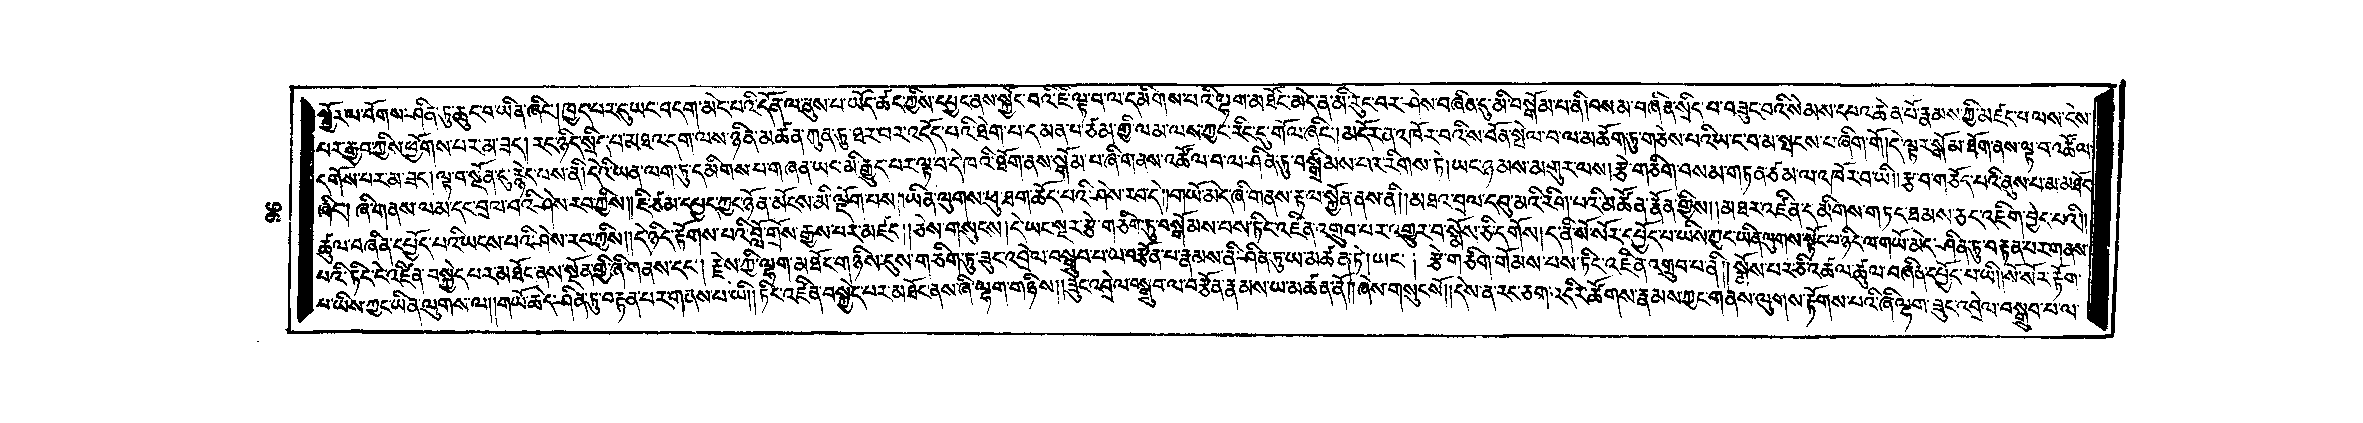སྦྱོར་ལ་བོགས་ཤིན་ཏུ་ཆུང་བ་ཡིན་ཞིང་། ཁྱད་པར་དུ་ཡང་བདག་མེད་པའི་དོན་ལ་ནུས་པ་ཡོད་ཚད་ཀྱིས་དཔྱད་ནས་སྐྱོང་བའི་ཇི་ལྟ་བ་ལ་དམིགས་པའི་ལྷག་མཐོང་མེད་ན་མི་རུང་བར་ཤེས་བཞིན་དུ་མི་བསྒོམ་པ་ནི། བསམ་བཞིན་སྲིད་པ་བཟུང་བའི་སེམས་དཔའ་ཆེན་པོ་རྣམས་ཀྱི་མཛད་པ་ལས་ངེས་
པར་རྒྱབ་ཀྱིས་ཕྱོགས་པར་མ་ཟད། རང་ཉིད་སྲིད་པ་མཐའ་དག་ལས་ཉིན་མཚན་ཀུན་ཏུ་ཐར་བར་འདོད་པའི་ཐེག་པ་དམན་པ་ཙམ་གྱི་ལམ་ལས་ཀྱང་རིང་དུ་གོལ་ཞིང་། མདོར་ན་འཁོར་བའི་ས་བོན་སྤེལ་བ་ལ་མཆོག་ཏུ་གཅེས་པའི་ཡང་བ་མ་སྤངས་པ་ཞིག་གོ །དེ་ལྟར་སྒོམ་ཐོག་ནས་ལྟ་བ་འཚོལ་
དགོས་པར་མ་ཟད། ལྟ་བ་སྔོན་དུ་རྙེད་པས་ནི། དེའི་ཡན་ལག་ཏུ་དམིགས་པ་གཞན་ཡང་མི་རྒྱུད་པར་ལྟ་བ་དེ་ཁའི་ཐོག་ནས་སྒོམ་པ་ཞི་གནས་འཚོལ་བ་ལ་ཤིན་ཏུ་བསྒྲིམས་པར་རིགས་ཏེ། ཡང་ཉམས་མགུར་ལས། རྩེ་གཅིག་བསམ་གཏན་ཙམ་ལ་འཁོར་བ་ཡི། །རྩ་བ་གཅོད་པའི་ནུས་པ་མ་མཐོང་
ཞིང་། ཞི་གནས་ལམ་དང་བྲལ་བའི་ཤེས་རབ་ཀྱིས། །ཇི་ཙམ་དཔྱད་ཀྱང་ཉོན་མོངས་མི་ལྡོག་པས། །ཡིན་ལུགས་ཕུ་ཐག་ཆོད་པའི་ཤེས་རབ་དེ། །གཡོ་མེད་ཞི་གནས་རྟ་ལ་སྐྱོན་ནས་ནི། །མཐའ་བྲལ་དབུ་མའི་རིག་པའི་མཚོན་རྣོན་གྱིས། །མཐར་འཛིན་དམིགས་གཏད་ཐམས་ཅད་འཇིག་བྱེད་པའི། །
ཚུལ་བཞིན་དཔྱོད་པའི་ཡངས་པའི་ཤེས་རབ་ཀྱིས། །དེ་ཉིད་རྟོགས་པའི་བློ་གྲོས་རྒྱས་པར་མཛད། །ཅེས་གསུངས། དེ་ཡང་སྔར་རྩེ་གཅིག་ཏུ་བསྒོམས་པས་ཏིང་འཛིན་འགྲུབ་པར་འགྱུར་བ་སྨོས་ཅི་དགོས། ད་ནི་སོ་སོར་དཔྱོད་པ་ཡིས་ཀྱང་ཡིན་ལུགས་སྟོང་པ་ཉིད་ལ་གཡོ་མེད་ཤིན་ཏུ་བརྟན་པར་གནས་
པའི་ཏིང་ངེ་འཛིན་བསྐྱེད་པར་མཐོང་ནས་སྔོན་གྱི་ཞི་གནས་དང་། རྗེས་ཀྱི་ལྷག་མཐོང་གཉིས་དུས་གཅིག་ཏུ་ཟུང་འབྲེལ་བསྒྲུབ་པ་ལ་བརྩོན་པ་རྣམས་ནི་ཤིན་ཏུ་ཡ་མཚན་ཏེ། ཡང་། རྩེ་གཅིག་གོམས་པས་ཏིང་འཛིན་འགྲུབ་པ་ནི། །སྨོས་པར་ཅི་འཚལ་ཚུལ་བཞིན་དཔྱོད་པ་ཡི། །སོ་སོར་རྟོག་
པ་ཡིས་ཀྱང་ཡིན་ལུགས་ལ། །གཡོ་ཆེད་ཤིན་ཏུ་བརྟན་པར་གནས་པ་ཡི། །ཏིང་འཛིན་བསྐྱེད་པར་མཐོང་ནས་ཞི་ལྷག་གཉིས། །ཟུང་འབྲེལ་བསྒྲུབ་ལ་བརྩོན་རྣམས་ཡ་མཚན་ནོ། །ཞེས་གསུངས་སོ། །དེས་ན་རང་ཅག་འདིར་ཚོགས་རྣམས་ཀྱང་གནས་ལུགས་རྟོགས་པའི་ཞི་ལྷག་ཟུང་འབྲེལ་བསྒྲུབ་པ་ལ་